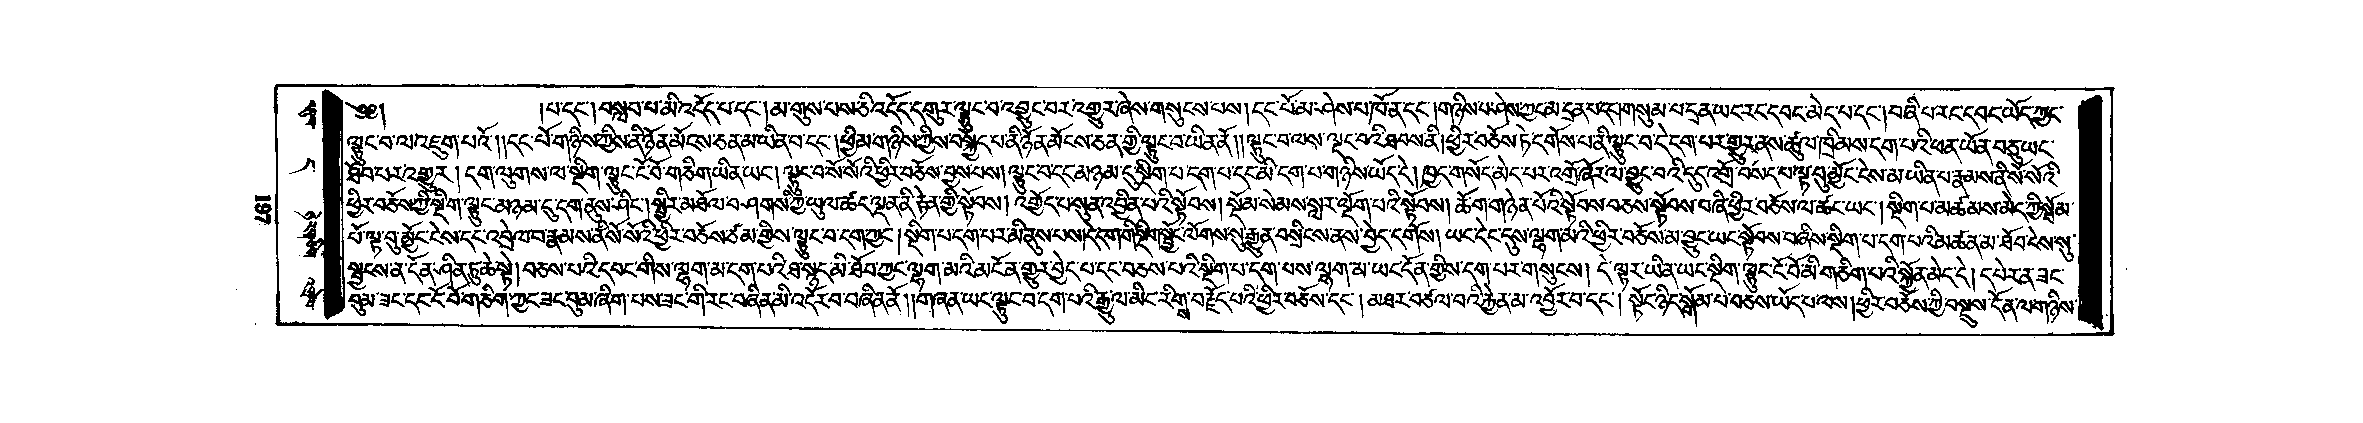༄༅། །པ་དང་། བསླབ་པ་མི་འདོད་པ་དང་། མ་གུས་པས་ཅི་འདོད་དགུར་ལྟུང་བ་འབྱུང་བར་འགྱུར་ཞེས་གསུངས་པས། དང་པོ་མ་ཤེས་པ་ཁོ་ན་དང་། གཉིས་པ་ཤེས་ཀྱང་མ་དྲན་པ་དང་། གསུམ་པ་དྲན་ཡང་རང་དབང་མེད་པ་དང་། བཞི་པ་རང་དབང་ཡོད་ཀྱང་
ལྟུང་བ་ལ་འཇུག་པའོ། །དང་པོ་གཉིས་ཀྱིས་ནི་ཉོན་མོངས་ཅན་མ་ཡིན་པ་དང་། ཕྱི་མ་གཉིས་ཀྱིས་བསྐྱེད་པ་ནི་ཉོན་མོངས་ཅན་གྱི་ལྟུང་བ་ཡིན་ནོ། །ལྟུང་བ་ལས་ལྡང་བའི་ཐབས་ནི། ཕྱིར་བཅོས་ཏེ་དགོས་པ་ནི་ལྟུང་བ་དེ་དག་པར་གྱུར་ནས་ཚུལ་ཁྲིམས་དག་པའི་ཕན་ཡོན་བཅུ་ཡང་
ཐོབ་པར་འགྱུར། དག་ལུགས་ལ་སྡིག་ལྟུང་ངོ་བོ་གཅིག་ཡིན་ཡང་། ལྟུང་བ་སོ་སོའི་ཕྱིར་བཅོས་བྱས་པས། ལྟུང་བ་དང་མཉམ་དུ་སྡིག་པ་དག་པ་དང་མི་དག་པ་གཉིས་ཡོད་དེ། ཁྱད་གསོད་མེད་པར་འགྲོ་ཞོར་ལ་བྱུང་བའི་དུད་འགྲོ་བསད་པ་ལྟ་བུ་མྱོང་ངེས་མ་ཡིན་པ་རྣམས་ནི་སོ་སོའི་
ཕྱིར་བཅོས་ཀྱི་སྡིག་ལྟུང་མཉམ་དུ་དག་ནུས་ཤིང་། སྤྱིར་མཐོལ་བཤགས་ཀྱི་ཡུལ་ཚད་ལྡན་ནི་རྟེན་གྱི་སྟོབས། འགྱོད་པ་སུན་འབྱིན་པའི་སྟོབས། སྡོམ་སེམས་སླར་ལྡོག་པའི་སྟོབས། ཆོ་ག་གཉེན་པོའི་སྟོབས་བཅས་སྟོབས་བཞི་ཕྱིར་བཅོས་ལ་ཚང་ཡང་། སྡིག་པ་མཚམས་མེད་ཀྱི་སྦོམ་
པོ་ལྟ་བུ་མྱོང་ངེས་དང་འབྲེལ་བ་རྣམས་ནི་སོ་སོའི་ཕྱིར་བཅོས་ཙམ་གྱིས་ལྟུང་བ་དག་ཀྱང་། སྡིག་པ་དག་པར་མི་ནུས་པས། དེ་དག་གི་སྡིག་སྦྱོང་ལོགས་སུ་རྒྱུན་བསྲིངས་ནས་བྱེད་དགོས། ཡང་དེང་དུས་ལྷག་མའི་ཕྱིར་བཅོས་མ་བྱུང་ཡང་སྟོབས་བཞིས་སྡིག་པ་དག་པའི་མཚན་མ་ཐོབ་ངེས་སུ་
སྦྱངས་ན་དོན་ཤིན་ཏུ་ཆེ་སྟེ། བཅས་པའི་དབང་གིས་ལྷག་མ་དག་པའི་ཐ་སྙད་མི་ཐོབ་ཀྱང་ལྷག་མའི་མངོན་གྱུར་བྱེད་པ་དང་བཅས་པའི་སྡིག་པ་དག་པས་ལྷག་མ་ཡང་དོན་གྱིས་དག་པར་གསུངས། དེ་ལྟར་ཡིན་ཡང་སྡིག་ལྟུང་ངོ་བོ་མི་གཅིག་པའི་སྐྱོན་མེད་དེ། དཔེར་ན་ཟང་
བུམ་ཟང་དང་ངོ་བོ་གཅིག་ཀྱང་ཟང་བུམ་ཞིག་པས་ཟང་གི་རང་བཞིན་མི་འདོར་བ་བཞིན་ནོ། །གཞན་ཡང་ལྟུང་བ་དག་པའི་རྒྱུ་ལ་མིང་རིགས་བརྗོད་པའི་ཕྱིར་བཅོས་དང་། མཐར་བཙལ་བའི་རྐྱེན་མ་འབྱོར་བ་དང་། སྟོང་ཉིད་སྒོམ་པ་བཅས་ཡོད་པ་ལས། ཕྱིར་བཅོས་ཀྱི་བསྡུས་དོན་ལ་གཉིས་